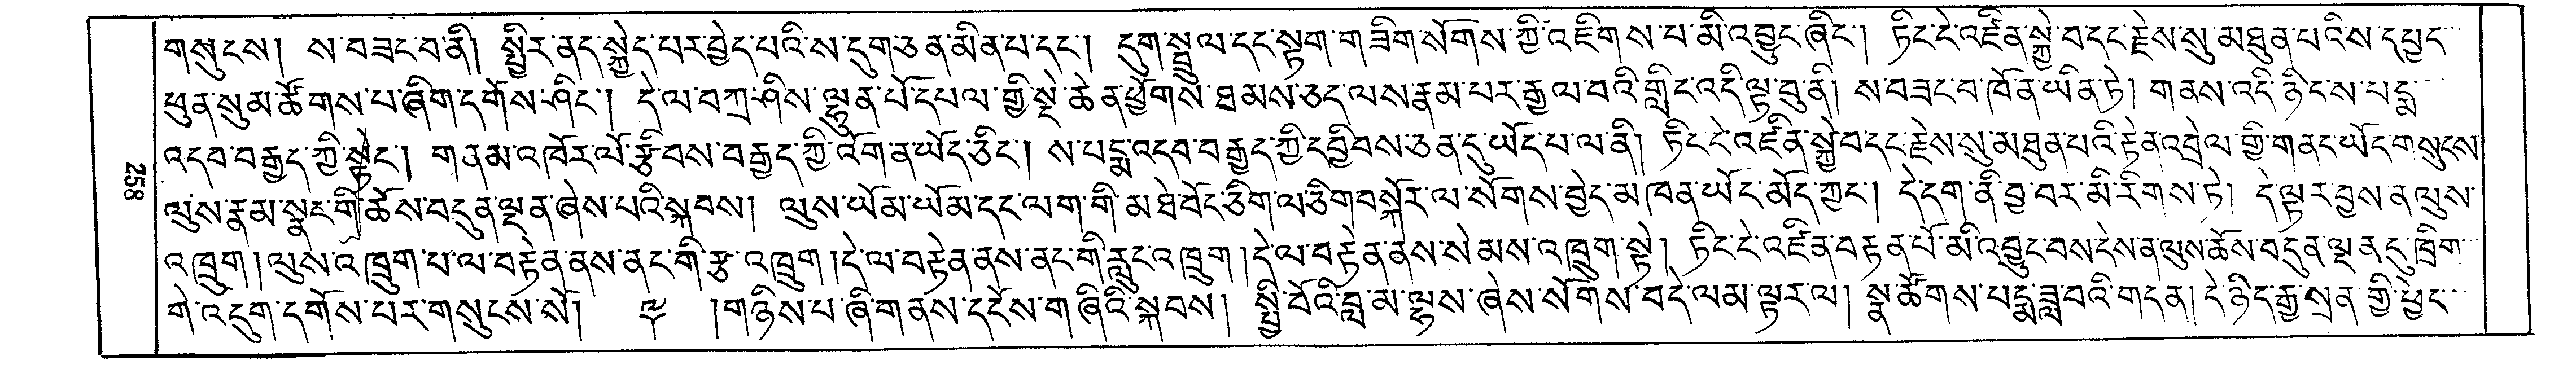གསུངས། ས་བཟང་བ་ནི། སྤྱིར་ནད་སྐྱེད་པར་བྱེད་པའི་ས་དུག་ཅན་མིན་པ་དང་། དུག་སྦྲུལ་དང་སྟག་གཟིག་སོགས་ཀྱི་འཇིགས་པ་མི་འབྱུང་ཞིང་། ཏིང་ངེ་འཛིན་སྐྱེ་བ་དང་རྗེས་སུ་མཐུན་པའི་ས་དཔྱད་
ཕུན་སུམ་ཚོགས་པ་ཞིག་དགོས་ཤིང་། དེ་ལ་བཀྲ་ཤིས་ལྷུན་པོ་དཔལ་གྱི་སྡེ་ཆེན་ཕྱོགས་ཐམས་ཅད་ལས་རྣམ་པར་རྒྱལ་བའི་གླིང་འདི་ལྟ་བུ་ནི། ས་བཟང་བ་ཁོ་ན་ཡིན་ཏེ། གནས་འདི་ཉིད་ས་པདམ་
འདབ་བརྒྱད་ཀྱི་སྟེང་། གནམ་འཁོར་ལོ་རྩི་བས་བརྒྱད་ཀྱི་འོག་ན་ཡོད་ཅིང་། ས་པདམ་འདབ་བརྒྱད་ཀྱི་དབྱིབས་ཅན་དུ་ཡོད་པ་ལ་ནི། ཏིང་ངེ་འཛིན་སྐྱེ་བ་དང་རྗེས་སུ་མཐུན་པའི་རྟེན་འབྲེལ་གྱི་གནད་ཡོད་གསུངས་
ལུས་རྣམ་སྣང་གི་ཆོས་བདུན་ལྡན་ཞེས་པའི་སྐབས། ལུས་ཡོམ་ཡོམ་དང་ལག་གི་མཐེ་བོང་ཅིག་ལ་ཅིག་བསྐོར་ལ་སོགས་བྱེད་མཁན་ཡོང་མོད་ཀྱང་། དེ་དག་ནི་བྱ་བར་མི་རིགས་ཏེ། དེ་ལྟར་བྱས་ན་ལུས་
འཁྲུག །ལུས་འཁྲུག་པ་ལ་བརྟེན་ནས་ནང་གི་རྩ་འཁྲུག །དེ་ལ་བརྟེན་ནས་ནང་གི་རླུང་འཁྲུག །དེ་ལ་བརྟེན་ནས་སེམས་འཁྲུག་སྟེ། ཏིང་ངེ་འཛིན་བརྟན་པོ་མི་འབྱུང་བས་དེས་ན་ལུས་ཆོས་བདུན་ལྡན་དུ་ཁྲིག་
གེ་འདུག་དགོས་པར་གསུངས་སོ། ༈ །གཉིས་པ་ཞི་གནས་དངོས་གཞིའི་སྐབས། སྤྱི་བོའི་བླ་མ་ལྷས་ཞེས་སོགས་བདེ་ལམ་ལྟར་ལ། སྣ་ཚོགས་པདམ་ཟླ་བའི་གདན། དེ་ཉིད་རྒྱ་སྲན་གྱི་ཕྱེད་